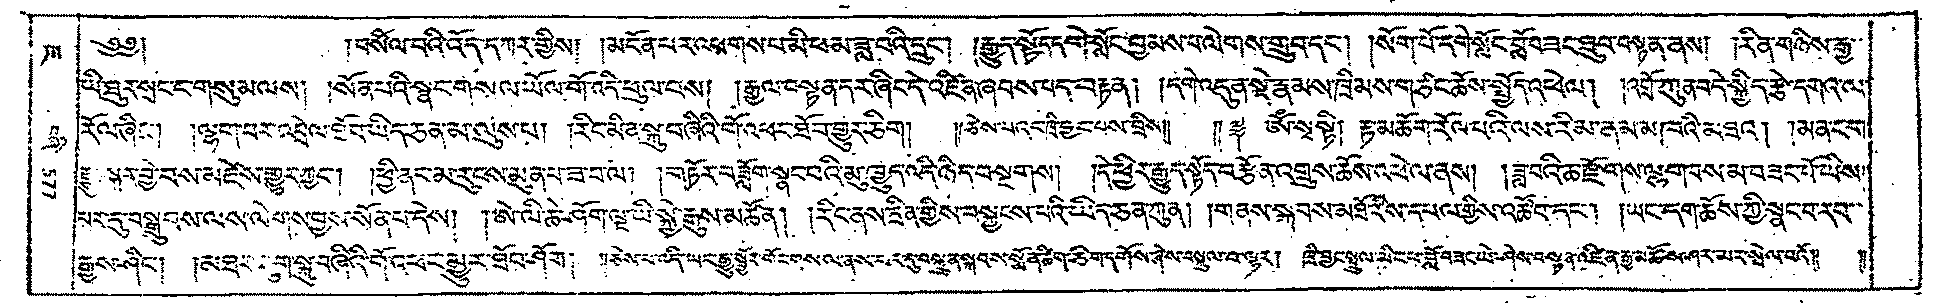༄༅། །བསིལ་བའི་འོད་དཀར་གྱིས། །མངོན་པར་འཕགས་པ་མི་ཕམ་ཟླ་བའི་དྲུང་། །རྒྱུད་སྟོད་དགེ་སློང་བྱམས་པ་ལེགས་གྲུབ་དང་། །སོག་པོ་དགེ་སློང་བློ་བཟང་ཐུབ་བསྟན་ནས། །རིན་གཉིས་རྒྱ་
ཡི་ཐུར་སྲང་ང་གསུམ་ལས། །སོན་པའི་སྣང་གསལ་ཡོལ་གོ་འདི་ཕུལ་བས། །རྒྱལ་བསྟན་དར་ཞིང་དེ་འཛིན་ཞབས་པད་བརྟན། །དགེ་འདུན་སྡེ་རྣམས་ཁྲིམས་གཙང་ཆོས་སྤྱོད་འཕེལ། །འགྲོ་ཀུན་བདེ་སྐྱིད་རྩེ་དགའ་ལ་
རོལ་ཞིང་། །ལྷག་པར་འབྲེལ་ཐོབ་ཡིད་ཅན་མ་ལུས་པ། །རིང་མིན་སྐུ་བཞིའི་གོ་འཕང་ཐོབ་གྱུར་ཅིག ། །། ཅེས་པའང་ཁྲི་བྱང་པས་བྲིས།།  །། ༈ ཨོཾ་སྭ་སྟི། རྟ་མཆོག་རོལ་པའི་ལས་རིམ་ནམ་མཁའི་མཐའ། །མན་ངག་
རྒྱུ་སྐར་བྱེ་བས་མཛེས་གྱུར་ཀྱང་། །ཕྱི་ནང་མ་རུངས་མུན་པ་ཟ་བ་ལ། །གཏོར་བཟློག་སྣང་བའི་མུ་ཁྱུད་འདི་ཉིད་བསྔགས། །དེ་ཕྱིར་རྒྱུད་སྟོད་བརྩོན་འགྲུས་ཆོས་འཕེལ་ནས། །ཟླ་བའི་ཆ་རྫོགས་ལྷག་བསམ་བཟང་པོ་ཡིས།།
པར་དུ་བསྒྲུབས་ལས་ལེགས་བྱས་སོན་པ་དེས། །ཨེ་ལི་ཆེ་ཤོག་ལྔ་ཡི་སྐྱེ་རྒུས་མཚོན། །རིང་ནས་དྲིན་གྱིས་བསྐྱངས་པའི་ཡིད་ཅན་ཀུན། །གནས་སྐབས་མཐོ་རིས་དཔལ་གྱིས་འཚོ་བ་དང་། །ཡང་དག་ཆོས་ཀྱི་སྣང་བ་རབ་
རྒྱས་ཤིང་། །མཐར་ཐུག་སྐུ་བཞིའི་གོ་འཕང་མྱུར་ཐོབ་ཤོག ། ཅེས་པ་འདི་ཡང་རྒྱུ་སྦྱོར་གོང་གསལ་ནས་པར་དུ་བསྐྲུན་སྐབས་སྨོན་ཚིག་ཅིག་དགོས་ཞེས་བསྐུལ་བ་ལྟར། ཁྲི་བྱང་སྤྲུལ་མིང་པ་བློ་བཟང་ཡེ་ཤེས་བསྟན་འཛིན་རྒྱ་མཚོས་ཤར་མར་སྤེལ་བའོ།།  །།